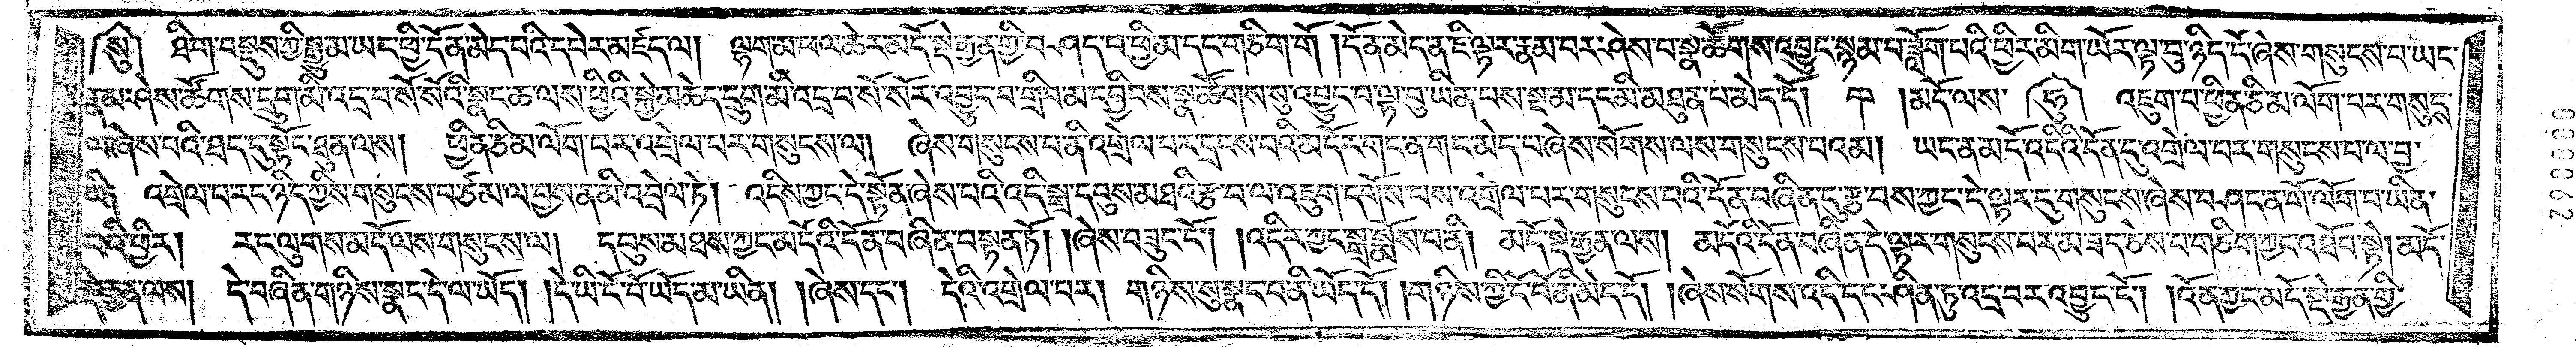༼སུ༽ ཐིག་བསྡུས་ཀྱི་སྒྱུ་མ་ཡང་ཕྱི་དོན་མེད་པའི་དཔེར་མཛད་ལ། ལྷག་མ་ཕལ་ཆེར་མདོ་སྡེ་རྒྱན་གྱི་བཤད་པ་ཕྱི་མ་དང་གཅིག་གོ །དོན་མེད་ན་ཇི་ལྟར་རྣམ་པར་ཤེས་པ་སྣ་ཚོགས་འབྱུང་སྙམ་པ་ཟློག་པའི་ཕྱིར་མིག་ཡོར་ལྟ་བུ་ཉིད་དོ་ཞེས་གསུངས་པ་ཡང་
རྣམ་ཤེས་ཚོགས་དྲུག་མི་འདྲ་བ་སོ་སོའི་སྣང་ཆ་ལས་ཕྱིའི་སྐྱེ་མཆེད་དྲུག་མི་འདྲ་བ་སོ་སོར་འབྱུང་བ་གྲིབ་མ་དབྱིབས་སྣ་ཚོགས་སུ་འབྱུང་བ་ལྟ་བུ་ཡིན་པས་སྔ་མ་དང་མི་མཐུན་པ་མེད་དོ། །མདོ་ལས ༼ཧུ༽ འཇུག་པ་ཕྱིན་ཅི་མ་ལོག་པར་གསུངས་
ལ་ཞེས་པའི་ཐད་དུ་སྟོང་ཐུན་ལས། ཕྱིན་ཅི་མ་ལོག་པར་འགྲེལ་པར་གསུངས་ལ། ཞེས་གསུངས་པ་ནི་འགྲེལ་པར་དྲངས་པའི་མདོར་གང་ན་གང་མེད་པ་ཞེས་སོགས་ལས་གསུངས་པའམ། ཡང་ན་མདོ་འདིའི་དོན་དུ་འགྲེལ་པར་གསུངས་པ་ལ་བྱ་
ཡི༑ འགྲེལ་པ་རང་ཉིད་ཀྱིས་གསུངས་པ་ཙམ་ལ་བྱས་ན་མི་འབྲེལ་ཏེ། འདིས་ཀྱང་དེ་སྟོན་ཞེས་པའི་འདི་སྒྲ་དབུས་མཐའི་རྩ་བ་ལ་འཇུག་དགོས་པས་འགྲེལ་པར་གསུངས་པའི་དོན་བཞིན་དུ་རྩ་བས་ཀྱང་དེ་ལྟར་དུ་གསུངས་ཞེས་བཤད་ན་གོ་ལོག་པ་ཡིན་
པའི་ཕྱིར། རང་ལུགས་མདོ་ལས་གསུངས་ལ། དབུས་མཐས་ཀྱང་མདོའི་དོན་བཞིན་བསྟན་ཏོ། །ཞེས་བཟུང་ངོ། །འདིར་ཀྱང་སྒྲ་སྨོས་པ་ནི། མདོ་སྡེ་རྒྱན་ལས། མདོའི་དོན་བཞིན་དེ་ལྟར་གསུངས་པར་མ་ཟད་ཅེས་པ་གཅིག་ཀྱང་འཐོབ་སྟེ། མདོ་
སྡེ་རྒྱན་ལས། དེ་བཞིན་གཉིས་སྣང་དེ་ལ་ཡོད། །དེ་ཡི་ངོ་བོ་ཡོད་མ་ཡིན། །ཞེས་དང་། དེའི་འགྲེལ་པར། གཉིས་སུ་སྣང་བ་ནི་ཡོད་དོ། །གཉིས་ཀྱི་ངོ་བོ་ནི་མེད་དོ། །ཞེས་སོགས་འདི་དང་ཤིན་ཏུ་འདྲ་བར་འབྱུང་ངོ། །འོན་ཀྱང་མདོ་སྡེ་རྒྱན་གྱི་